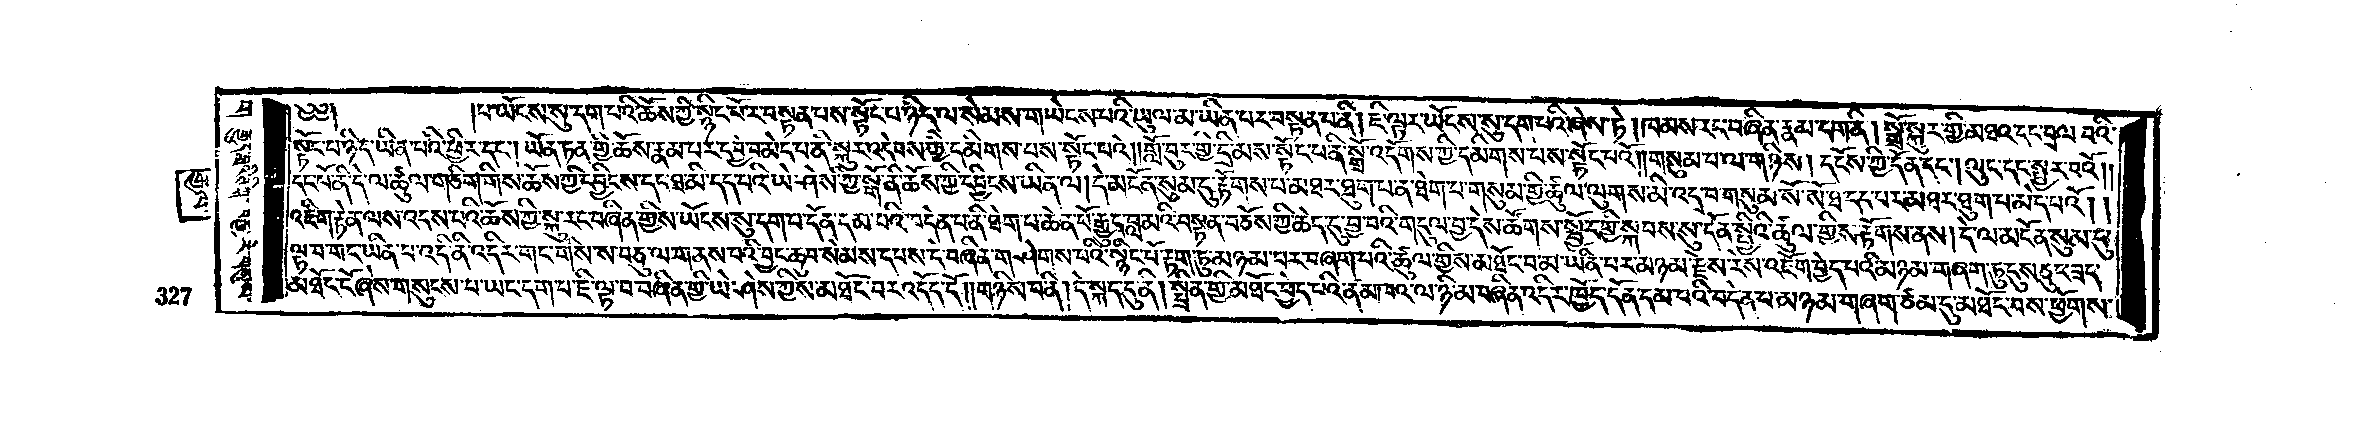༄༅། །པ་ཡོངས་སུ་དག་པའི་ཆོས་ཀྱི་སྙིང་པོར་བསྟན་པས་སྟོང་པ་ཉིད་ལ་སེམས་གཡེངས་པའི་ཡུལ་མ་ཡིན་པར་བསྟན་པ་ནི། ཇི་ལྟར་ཡོངས་སུ་དག་པའི་ཞེས་ཏེ། ཁམས་རང་བཞིན་རྣམ་དག་ནི། སྒྲོ་སྐུར་གྱི་མཐའ་དང་བྲལ་བའི་
སྟོང་པ་ཉིད་ཡིན་པའི་ཕྱིར་དང་། ཡོན་ཏན་གྱི་ཆོས་རྣམ་པར་དབྱེ་བ་མེད་པ་ནི་སྐུར་འདེབས་ཀྱི་དམིགས་པས་སྟོང་པའི། །གློ་བུར་གྱི་དྲི་མས་སྟོང་པ་ནི་སྒྲོ་འདོགས་ཀྱི་དམིགས་པས་སྟོང་བའོ། །གཉིས་པ་ལ་གཉིས། དངོས་ཀྱི་དོན་དང་། ལུང་དང་སྦྱར་བའོ། །
དང་པོ་ནི་དེ་ལ་ཚུལ་གཅིག་གིས་ཆོས་ཀྱི་དབྱིངས་དང་ཐ་མི་དད་པའི་ཡེ་ཤེས་ཀྱི་སྒོ་ནི་ཆོས་ཀྱི་དབྱིངས་ཡིན་ལ། དེ་མངོན་སུམ་དུ་རྟོགས་པ་མཐར་ཐུག་པ་ན་ཐེག་པ་གསུམ་གྱི་ཚུལ་ལུགས་མི་འདྲ་བ་གསུམ་སོ་སོ་ཐ་དད་པར་མཐར་ཐུག་པ་མེད་པའོ། །
འཇིག་རྟེན་ལས་འདས་པའི་ཆོས་ཀྱི་སྐུ་རང་བཞིན་གྱིས་ཡོངས་སུ་དག་པ་དོན་དམ་པའི་བདེན་པ་ནི་ཐེག་པ་ཆེན་པོ་རྒྱུད་བླ་མའི་བསྟན་བཅོས་ཀྱི་ཆེད་དུ་བྱ་བའི་གདུལ་བྱ་དེས་ཚོགས་སྦྱོར་གྱི་སྐབས་སུ་དོན་སྤྱིའི་ཚུལ་གྱིས་རྟོགས་ནས། དེ་ལ་མངོན་སུམ་དུ།
ལྟ་བ་གང་ཡིན་པ་འདི་ནི་འདིར་གང་གིས་ས་བཅུ་ལ་གནས་པའི་བྱང་ཆུབ་སེམས་དཔས་དེ་བཞིན་གཤེགས་པའི་སྙིང་པོ་རྟག་ཏུ་མཉམ་པར་བཞག་པའི་ཚུལ་གྱིས་མཐོང་བ་མ་ཡིན་པར་མཉམ་རྗེས་རེས་འཇོག་བྱེད་པའི་མཉམ་གཞག་ཏུ་དུས་ཅུང་ཟད་
མཐོང་ངོ་ཞེས་གསུངས་པ་ཡང་དག་པ་ཇི་ལྟ་བ་བཞིན་གྱི་ཡེ་ཤེས་ཀྱིས་མཐོང་བར་འདོད་དོ། །གཉིས་པ་ནི། དེ་སྐད་དུ་ནི། སྦྲིན་གྱི་མཐོང་ཕྱེད་པའི་ནམ་མཁའ་ལ་ཉི་མ་བཞིན་འདིར་ཁྱོད་དོན་དམ་པའི་བདེན་པ་མཉམ་གཞག་ཙམ་དུ་མཐོང་བས་ཕྱོགས་